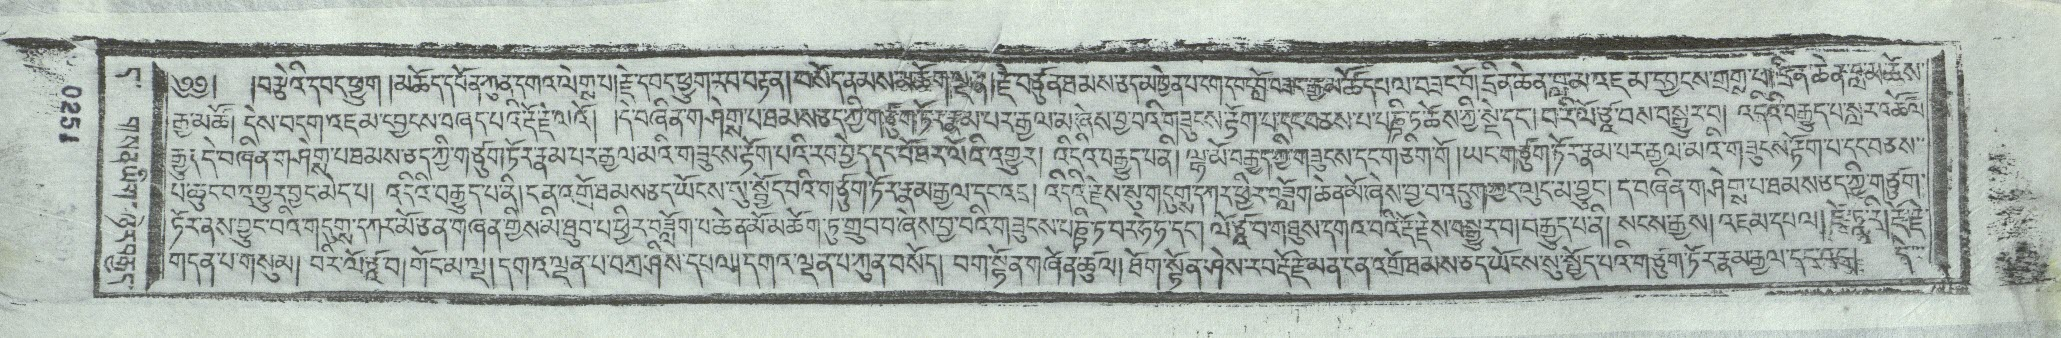༄༅། །བརྩེའི་དབང་ཕྱུག །མཆོད་དཔོན་ཀུན་དགའ་ལེགས་པ། རྗེ་དབང་ཕྱུག་རབ་བརྟན། བསོད་ནམས་མཆོག་ལྡན། རྗེ་བཙུན་ཐམས་ཅད་མཁྱེན་པ་ངག་དབང་བློ་བཟང་རྒྱ་མཚོ་དཔལ་བཟང་པོ། དྲིན་ཆེན་བླ་མ་འཇམ་དབྱངས་གྲགས་པ། དྲིན་ཆེན་བླ་མ་ཆོས་
རྒྱ་མཚོ། དེས་བདག་འཇམ་དབྱངས་བཞད་པའི་རྡོ་རྗེ་ལའོ། །དེ་བཞིན་གཤེགས་པ་ཐམས་ཅད་ཀྱི་གཙུག་ཏོར་རྣམ་པར་རྒྱལ་མ་ཞེས་བྱ་བའི་གཟུངས་རྟོག་པ་དང་བཅས་པ་པཎྜི་ཏ་ཆོས་ཀྱི་སྡེ་དང་། བ་རི་ལོ་ཙཱ་པས་བསྒྱུར་བ། འདིའི་བརྒྱུད་པ་སླར་འཚོལ་
རྒྱུ༑ དེ་བཞིན་གཤེགས་པ་ཐམས་ཅད་ཀྱི་གཙུག་ཏོར་རྣམ་པར་རྒྱལ་མའི་གཟུངས་རྟོག་པའི་རབ་བྱེད་དང་བོ་ཐར་ལོའི་འགྱུར། འདིའི་བརྒྱུད་པ་ནི། ལྷ་མོ་བརྒྱད་ཀྱི་གཟུངས་དང་གཅིག་གོ །ཡང་གཙུག་ཏོར་རྣམ་པར་རྒྱལ་མའི་གཟུངས་རྟོག་པ་དང་བཅས་
པ་ཆུང་བ་འགྱུར་བྱང་མེད་པ། འདིའི་བརྒྱུད་པ་ནི། ངན་འགྲོ་ཐམས་ཅད་ཡོངས་སུ་སྦྱོད་པའི་གཙུག་ཏོར་རྣམ་རྒྱལ་དང་འདྲ། འདིའི་རྗེས་སུ་གདུགས་དཀར་ཕྱིར་བཟློག་ཆེན་མོ་ཞེས་བྱ་བ་འདུག་ཀྱང་ལུང་མ་བྱུང་། ད་བཞིན་གཤེགས་པ་ཐམས་ཅད་ཀྱི་གཙུག་
ཏོར་ནས་བྱུང་བའི་གདུགས་དཀར་མོ་ཅན་གཞན་གྱིས་མི་ཐུབ་པ་ཕྱིར་བཟློག་པ་ཆེན་མོ་མཆོག་ཏུ་གྲུབ་བ་ཞེས་བྱ་བའི་གཟུངས་པཎྜི་ཏ་བར་ཧེ་ཧ་དང་། ལོ་ཙཱ་བ་གྠུས་དགའ་བའི་རྡོ་རྗེས་བསྒྱུར་བ། བརྒྱུད་པ་ནི། སངས་རྒྱས། འཇམ་དཔལ། ཛེ་ཏཱ་རི། རྡོ་རྗེ་
གདན་པ་གསུམ། བ་རི་ལོ་ཙཱ་བ། གོང་མ་ལྔ། དགའ་ལྡན་པ་བཀྲ་ཤིས་དཔལ། དགའ་ལྡན་པ་ཀུན་བསོད། བག་སྟོན་གཞོན་ཚུལ། ཐོག་སྟོན་ཤེས་རབ་རྡོ་རྗེ་མན་ངན་འགྲོ་ཐམས་ཅད་ཡོངས་སུ་སྤྱོད་པའི་གཙུག་ཏོར་རྣམ་རྒྱལ་དང་འདྲ། དེ་